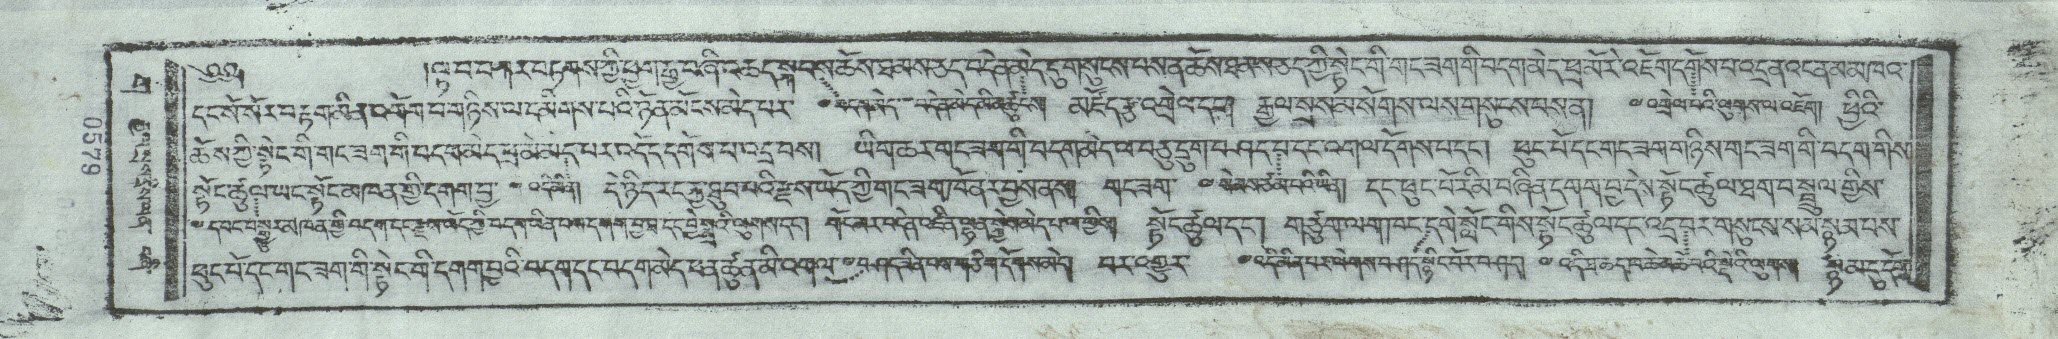༄༅། །ལྟ་བ་བཀར་བཏགས་ཀྱི་ཕྱག་རྒྱ་བཞི་འཆད་སྐབས་ཆོས་ཐམས་ཅད་བདེན་མེད་དུ་གསུངས་པས་ན་ཆོས་ཐམས་ཅད་ཀྱི་སྟེང་གི་གང་ཟག་གི་བདག་མེད་ཕྲ་མོ་རེ་འཇོག་དགོས་པ་འདྲ་ནའང་ནམ་མཁའ་
དང་སོ་སོར་བརྟག་མིན་འགོག་པ་གཉིས་ལ་དམིགས་པའི་ཉོན་མོངས་མེད་པར་༧བདག་མེད་བདེན་མེད་མི་མཚུངས།  མཛོད་རྩ་འགྲེལ་དང་། རྒྱལ་སྲས་མ་སོགས་ལས་གསུངས་བས་ན། ༧འགྲེལ་པའི་ལུགས་ལ་འཇོག།  ཕྱིའི་
ཆོས་ཀྱི་སྟེང་གི་གང་ཟག་གི་བདག་མེད་ཕྲ་མོ་མེད་པར་འདོད་དགོས་པ་འདྲ་བས། ཡིག་ཆར་གང་ཟག་གི་བདག་མེད་ལ་བཅུ་དྲུག་བཤད་བ་དང་འགལ་དོགས་པ་དང་། ཕུང་པོ་དང་གང་ཟག་གཉིས་གང་ཟག་གི་བདག་གིས་
སྟོང་ཚུལ་ཡང་སྟོང་མཁན་གྱི་དགག་བྱ་༧འདི་མིན།  དེ་ཉིད་རང་རྐྱ་ཐུབ་པའི་རྫས་ཡོད་ཀྱི་གང་ཟག་ཁོ་ནར་བྱས་ནས། གང་ཟག་༧སེམས་ཙམ་པའི་མིན?།  དང་ཕུང་པོ་རིམ་བཞིན་དགག་བྱ་དེས་སྟོང་ཚུལ་ཐག་བསྒྲུལ་གྱིས་
༧དབང་བསྒྱུར་མཁན་གྱི་བདག་དང་རྫས་ཡོད་ཀྱི་བདག་ཡིན་པས་དགག་བྱ་ཐ་དད་བྱེ་སྨྲའི་ལུགས་དང་། གོང་མར་བདེན་འཛིན་ལྷན་སྐྱེས་མེད་པ་ལ་གྱིས།  སྟོང་ཚུལ་དང་། གཙུག་ལག་ཁང་དགེ་སློང་གིས་སྟོང་ཚུལ་དང་འདྲ་བར་གསུངས་སམ་སྙམ་པས་
ཕུང་པོ་དང་གང་ཟག་གི་སྟེང་གི་དགག་བྱའི་བདག་དང་བདག་མེད་ཕན་ཚུན་མི་འགལ་༧བཤད་ཟིན་པས་གཅིག་དོགས་མེད།  བར་འགྱུར་༧འདི་མིན་པར་ལེགས་བཤད་སྙིང་པོར་བཤད། ༧འདི་ཐ་ཆད་ཁ་ཆེ་མཆེ་བའི་སྡེའི་ལུགས།  སྙམ་དུ་དོགས་